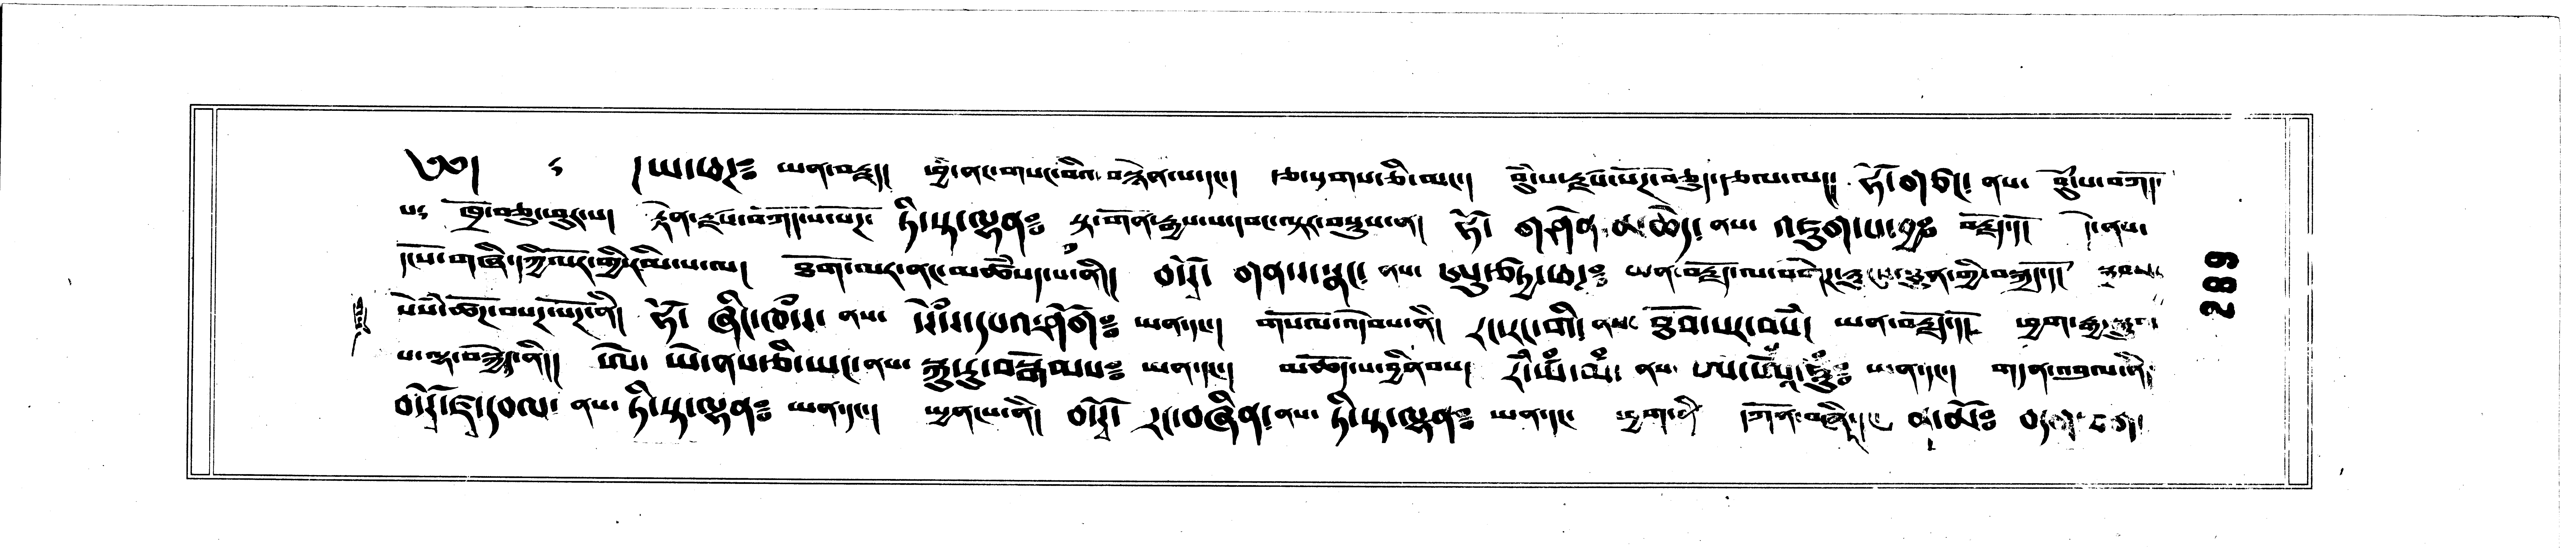ཡ་ཕཊཿ ཡན་བརྗོད། ཕྱི་ནང་གསང་བའི་བསྙེན་པ། རྩ་སྔགས་ཅི་ཡང་། བུམ་པ་རྫས་སོགས་བཅུད་བསྩལ་ལ། ཧོ། གཙང་ནས། བུམ་པ་བཀོད་
པ། ཁྲོ་བཅུ་ཕུར་པ། རྟེན་རྫས་བཀོད་པ་སོགས། སྟི་སྟ་ལྷནཿ སྟ་གོན་རྒྱས་པ་དབང་ལྟར་བསྡུས་ན། ཧོ། གཤེན་མཆེད་ནས་འཇུག་པ་བྱཿ བརྗོད་དོ། 
དངོས་གཞི་དཀྱིལ་འཁོར་གྱི་རིམ་པ་ལ། ཐོག་མར་ནང་མཚམས་བཅད་པ་ནི། བསྭོ་གནས་སྣང་ནས་ཨུ་ཙ་ཏྱ་ཕཊཿ ཡན་བརྗོད་ལ་བགེགས་ཉུང་ཐུན་གྱིས་བསྐྲད་དོ། སྐྱབས་
སེམས་ཚོགས་བསགས་སོགས་ནི། ཧོ་ཞིང་ཁམས་ནས་སེམས་དཔའ་ཤོགཿ ཡན་དང་། གསོལ་འདེབས་ནི། རང་རང་གི་ནས་ཐོབ་པར་བསམཿ ཡན་བརྗོད་དོཿ ཕྱག་རྒྱ་བསྒྲུབ་
པ་ལྷ་བསྐྱེད་ནིཿ ཨེ་ཡེ་ནས་ཅི་ཡང་ནས་སྐུ་རུ་བསྒོམཿ ཡན་དང་། མཆོད་པ་བྱིན་རླབས་རཾ་ཡཾ་མཾ་ནས་ཨ་ཨཱོྃཿཧཱུྃ་ཡན་དང་། གདན་འབུལ་ནི། 
བསྭོ་ཛོ་དབལ་ནས་སྟི་སྟ་ལྷནཿ ཡན་དང་། ཕྱག་ནི། དཀོན་བཞི་དང་། ན་མོ་བདག་ཅག་